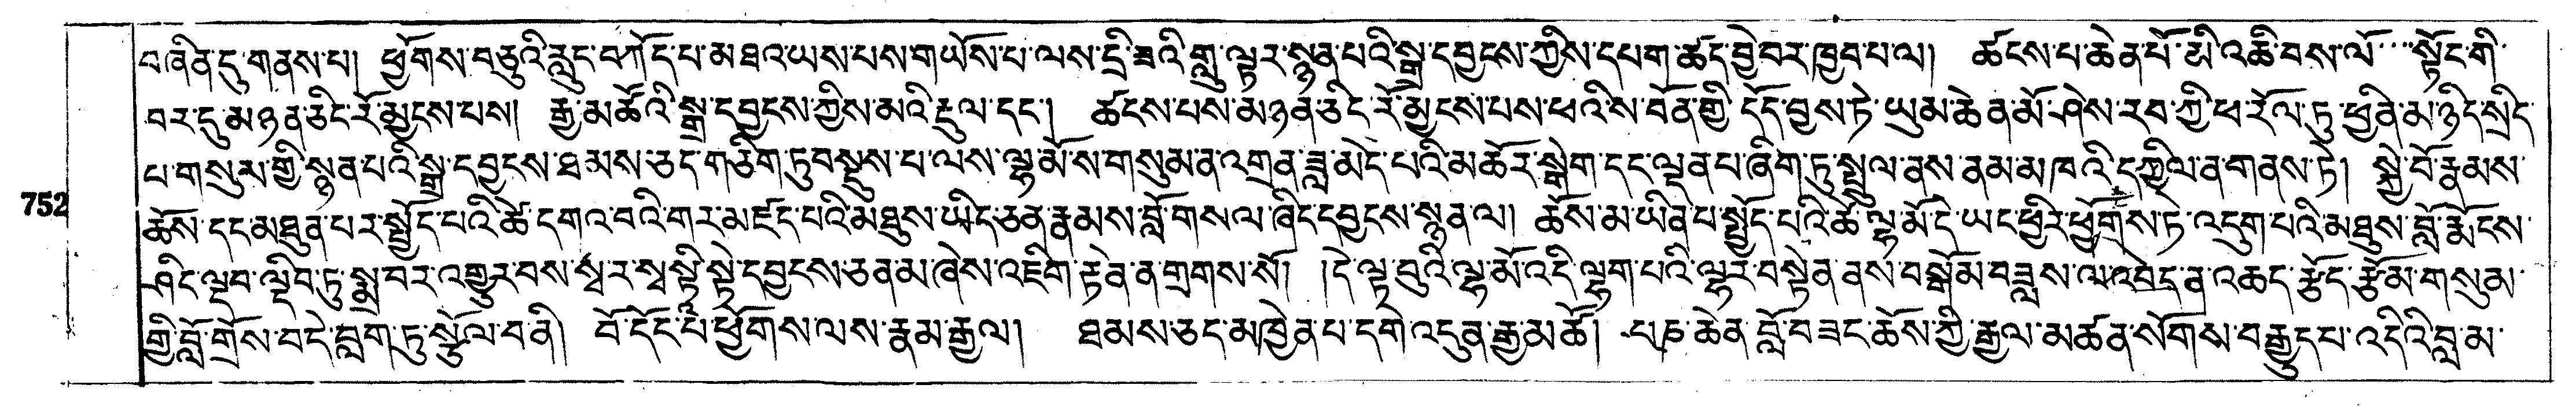བཞིན་དུ་གནས་པ། ཕྱོགས་བཅུའི་རླུང་བཀོད་པ་མཐའ་ཡས་པས་གཡོས་པ་ལས་དྲི་ཟའི་གླུ་ལྟར་སྙན་པའི་སྒྲ་དབྱངས་ཀྱིས་དཔག་ཚད་བྱེ་བར་ཁྱབ་པ་ལ། ཚངས་པ་ཆེན་པོ་མི་འཆི་བས་ལོ་སྟོང་གི་
བར་དུ་མཉན་ཅིང་རོ་མྱངས་པས། རྒྱ་མཚོའི་སྒྲ་དབྱངས་ཀྱིས་མའི་རྔུལ་དང་། ཚངས་པས་མཉན་ཅིང་རོ་མྱངས་པས་ཕའི་ས་བོན་གྱི་དོད་བྱས་ཏེ་ཡུམ་ཆེན་མོ་ཤེས་རབ་ཀྱི་ཕ་རོལ་ཏུ་ཕྱིན་མ་ཉིད་སྲིད་
པ་གསུམ་གྱི་སྙན་པའི་སྒྲ་དབྱངས་ཐམས་ཅད་གཅིག་ཏུ་བསྡུས་པ་ལས་ལྷ་མོ་ས་གསུམ་ན་འགྲན་ཟླ་མེད་པའི་མཆོར་སྒེག་དང་ལྡན་པ་ཞིག་ཏུ་སྤྲུལ་ནས་ནམ་མཁའི་དཀྱིལ་ན་གནས་ཏེ། སྐྱེ་བོ་རྣམས་
ཆོས་དང་མཐུན་པར་སྤྱོད་པའི་ཚེ་དགའ་བའི་གར་མཛད་པའི་མཐུས་ཡིད་ཅན་རྣམས་བློ་གསལ་ཞིང་དབྱངས་སྙན་ལ། ཆོས་མ་ཡིན་པ་སྤྱོད་པའི་ཚེ་ལྷ་མོ་དེ་ཡང་ཕྱིར་ཕྱོགས་ཏེ་འདུག་པའི་མཐུས་བློ་རྨོངས་
ཤིང་ལྡབ་ལྡིབ་ཏུ་སྨྲ་བར་འགྱུར་བས་སྭ་ར་སྭ་སྟཱི་སྟེ་དབྱངས་ཅན་མ་ཞེས་འཇིག་རྟེན་ན་གྲགས་སོ། །དེ་ལྟ་བུའི་ལྷ་མོ་འདི་ལྷག་པའི་ལྷར་བསྟེན་ནས་བསྒོམ་བཟླས་ལ་འབེད་ན་འཆད་རྩོད་རྩོམ་གསུམ་
གྱི་བློ་གྲོས་བདེ་བླག་ཏུ་སྩོལ་བ་ནི། བོ་དོང་པ་ཕྱོགས་ལས་རྣམ་རྒྱལ། ཐམས་ཅད་མཁྱེན་པ་དགེ་འདུན་རྒྱ་མཚོ། པཎ་ཆེན་བློ་བཟང་ཆོས་ཀྱི་རྒྱལ་མཚན་སོགས་བརྒྱུད་པ་འདིའི་བླ་མ་